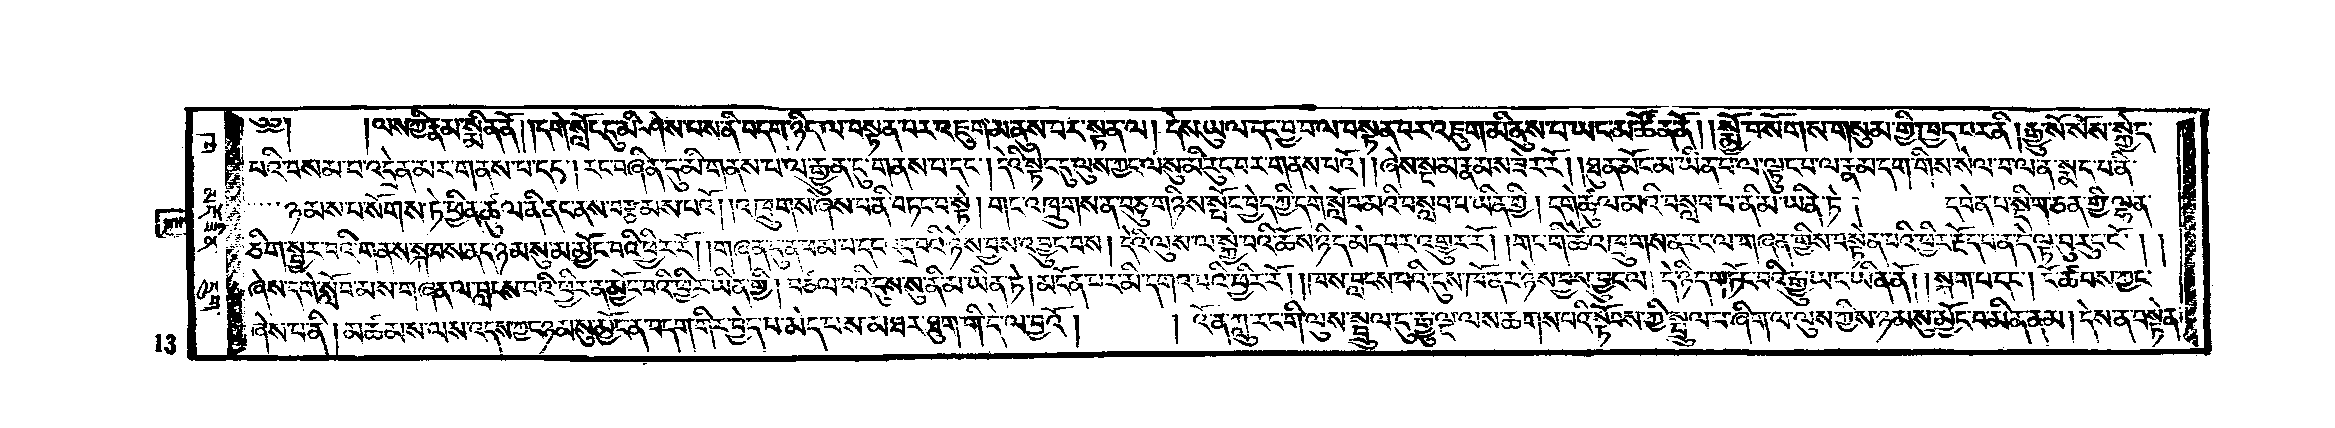༄༅། །ལས་ཀྱི་རྣམ་སྨིན་ནོ། །དགེ་སློང་དུ་མི་ཤེས་པས་ནི་བདག་ཉིད་ལ་བསྟན་པར་འཇུག་མི་ནུས་པར་སྟན་ལ། དེས་ཡུལ་དང་བྱ་བ་ལ་བསྟན་པར་འཇུག་མི་ནུས་པ་ཡང་མཚོན་ནོ། །སྨྱོ་བ་སོགས་གསུམ་གྱི་ཁྱད་པར་ནི། རྒྱུ་སེ་སོས་སྐྱེད་
པའི་བསམ་པ་འདྲེན་མར་གནས་པ་དང་། རང་བཞིན་དུ་མི་གནས་པ་ལ་རྒྱུན་དུ་གནས་པ་དང་། དེའི་སྟེང་དུ་ལུས་ཀྱང་ལས་སུ་མི་རུང་བར་གནས་པའོ། །ཞེས་སྔ་མ་རྣམས་ཟེར་རོ། །ཐུན་མོང་མ་ཡིན་པ་ལ་ལྟུང་བ་ལ་རྣམ་དག་གིས་སེལ་བ་ལ་ན་སྨད་པ་ནི་
ཉམས་པ་སོགས་ཏེ་ཕྱིན་ཚུལ་ནི་ནང་ནས་བརྩམས་པའོ། །འཁྲུགས་ཞེས་པ་ནི་བཏང་བ་སྟེ། གང་འཁྲུགས་ན་བཅུ་གཉིས་སྤོང་བྱེད་ཀྱི་དགེ་སློང་མའི་བསླབ་པ་ཡིན་གྱི། དགེ་ཚུལ་མའི་བསླབ་པ་ནི་མ་ཡིན་ཏེ། དབེན་པ་སྡིག་ཅན་གྱི་ལྷན་
ཅིག་སྦྱར་བའི་གནས་སྐབས་ནད་ཉམས་སུ་མ་མྱོང་བའི་ཕྱིར་རོ། །གཞན་དུ་ན་ཕམ་པ་དང་འདྲ་བའི་ཉེས་བྱས་འབྱུང་བས། དེའི་ལུས་ལ་སྐྱེ་བའི་ཆོས་ཉིད་མེད་པར་འགྱུར་རོ། །གང་གི་ཚེ་འཁྲུགས་ན་རང་ལ་གཞན་གྱིས་བསྟེན་པའི་ཕྱིར་རྗོད་པ་ན་དེ་ལྟ་བུ་རུང་ངོ། །
ཞེས་དགེ་སློབ་མས་གཞན་ལ་བླངས་པའི་ཕྱིར་ན་མྱོང་བའི་ཕྱིར་ཡིན་གྱི། བཙལ་བའི་དུས་སུ་ནི་མ་ཡིན་ཏེ། མངོན་པར་མི་དགའ་བའི་ཕྱིར་རོ། །ཁས་བླངས་པའི་དུས་ཁོ་ནར་ཉེས་བྱས་བྱུང་ལ། དེ་ཉིད་གཏོང་བའི་རྒྱུ་ཡང་ཡིན་ནོ། །སྐྲག་པ་དང་། ངོ་ཚ་བས་ཀྱང་
ཞེས་པ་ནི། མཚམས་ལས་འདས་ཀྱང་ཉམས་སུ་མྱོང་ན་བདག་གིར་བྱེད་པ་མེད་པས་མཐར་ཐུག་གི་དེ་ལ་བྱའོ། །འོ་ན་ཀླུ་རང་གི་ལུས་སྦྲུལ་དུ་རྒྱུ་ལྔ་ལས་ཆགས་པའི་སྟོབས་ཀྱི་སྤྲུལ་པ་ཞིག་ལ་ལུས་ཀྱིས་ཉམས་སུ་མྱོང་བ་མིན་ནམ། དེས་ན་བསྟན་